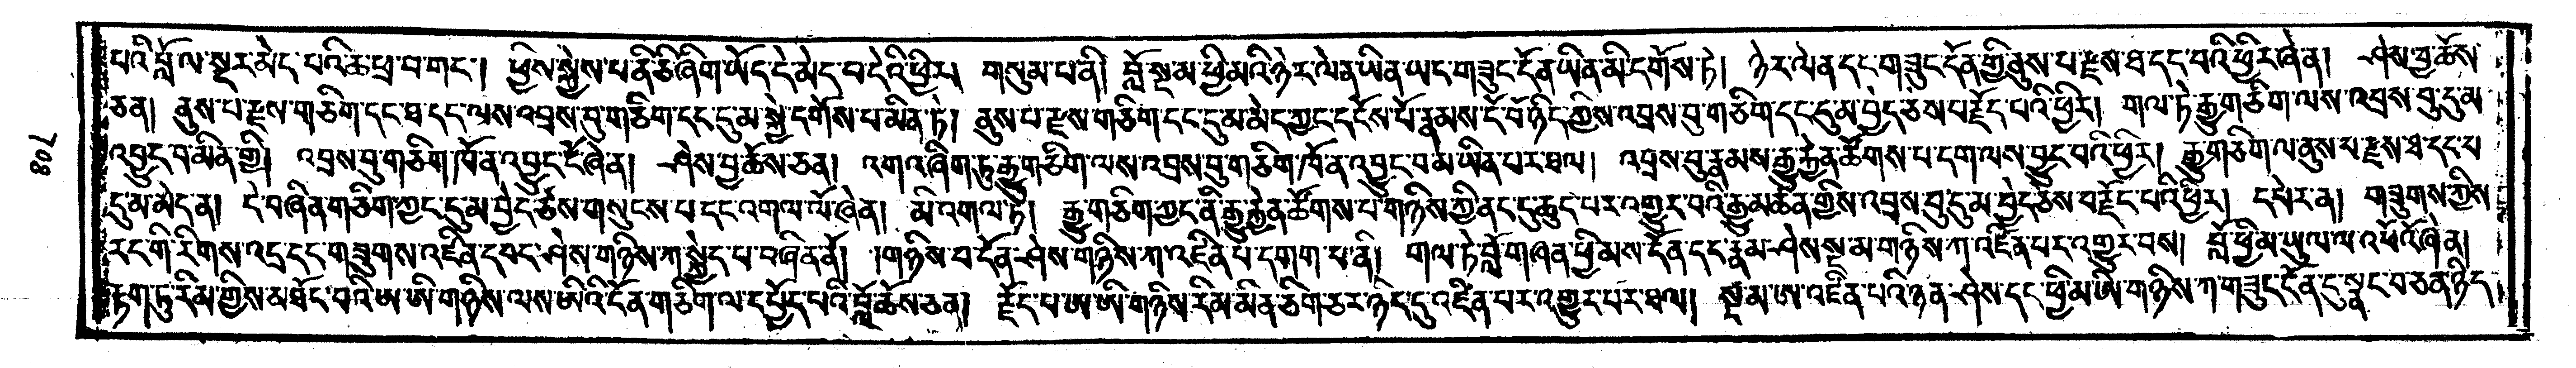པའི་བློ་ལ་སྔར་མེད་པའི་ཆ་ཕྲ་བ་གང་། ཕྱིས་སྐྱེས་པ་ནི་ཅི་ཞིག་ཡོད་དེ་མེད་བ་དེའི་ཕྱིར། གསུམ་པ་ནི། བློ་སྔ་མ་ཕྱི་མའི་ཉེར་ལེན་ཡིན་ཡང་གཟུང་དོན་ཡིན་མི་དགོས་ཏེ། ཉེར་ལེན་དང་གཟུང་དོན་གྱི་ནུས་པ་རྫས་ཐ་དད་བའི་ཕྱིར་ཞེ་ན། ཤེས་བྱ་ཆོས་
ཅན། ནུས་པ་རྫས་གཅིག་དང་ཐ་དད་ལས་འབྲས་བུ་གཅིག་དང་དུ་མ་སྐྱེ་དགོས་པ་མིན་ཏེ། ནུས་པ་རྫས་གཅིག་དང་དུ་མ་མེད་ཀྱང་དངོས་པོ་རྣམས་ངོ་བོ་ཉིད་ཀྱིས་འབྲས་བུ་གཅིག་དང་དུ་མ་བྱེད་ཅེས་བརྗོད་པའི་ཕྱིར། གལ་ཏེ་རྒྱུ་གཅིག་ལས་འབྲས་བུ་དུ་མ་
འབྱུང་བ་མིན་གྱི། འབྲས་བུ་གཅིག་ཁོ་ན་འབྱུང་ངོ་ཞེ་ན། ཤེས་བྱ་ཆོས་ཅན། འགའ་ཞིག་ཏུ་རྒྱུ་གཅིག་ལས་འབྲས་བུ་གཅིག་ཁོ་ན་འབྱུང་བ་མ་ཡིན་པར་ཐལ། འབྲས་བུ་རྣམས་རྒྱུ་རྐྱེན་ཚོགས་པ་དག་ལས་བྱུང་བའི་ཕྱིར། རྒྱུ་གཅིག་ལ་ནུས་པ་རྫས་ཐ་དང་པ་
དུ་མ་མེད་ན། དེ་བཞིན་གཅིག་ཀྱང་དུ་མ་བྱེད་ཅེས་གསུངས་པ་དང་འགལ་ལོ་ཞེ་ན། མི་འགལ་ཏེ། རྒྱུ་གཅིག་ཀྱང་ནི་རྒྱུ་རྐྱེན་ཚོགས་པ་གཉིས་ཀྱི་ནང་དུ་ཆུད་པར་འགྱུར་བའི་རྒྱུ་མཚན་གྱིས་འབྲས་བུ་དུ་མ་བྱེད་ཅེས་བརྗོད་པའི་ཕྱིར། དཔེར་ན། གཟུགས་ཀྱིས་
རང་གི་རིགས་འདྲ་དང་གཟུགས་འཛིན་དབང་ཤེས་གཉིས་ཀ་སྐྱེད་པ་བཞིན་ནོ། །གཉིས་བ་དོན་ཤེས་གཉིས་ཀ་འཛིན་པ་དགག་པ་ནི། གལ་ཏེ་བློ་གཞན་ཕྱི་མས་དོན་དང་རྣམ་ཤེས་སྔ་མ་གཉིས་ཀ་འཛིན་པར་འགྱུར་བས། བློ་ཕྱི་མ་ཡུལ་ལ་འཕོའོ་ཞེ་ན།
རྟག་ཏུ་རིམ་གྱིས་མཐོང་བའི་ཨ་ཨི་གཉིས་ལས་ཨིའི་དོན་གཅིག་ལ་དཔྱོད་པའི་བློ་ཆོས་ཅན། རྗོད་པ་ཨ་ཨི་གཉིས་རིམ་མིན་ཅིག་ཅར་ཉིད་དུ་འཛིན་པར་འགྱུར་པར་ཐལ། སྔ་མ་ཨ་འཛིན་པའི་ཉན་ཤེས་དང་ཕྱི་མ་ཨི་གཉིས་ཀ་གཟུང་དོན་དུ་སྣང་བ་ཅན་ཉིད་